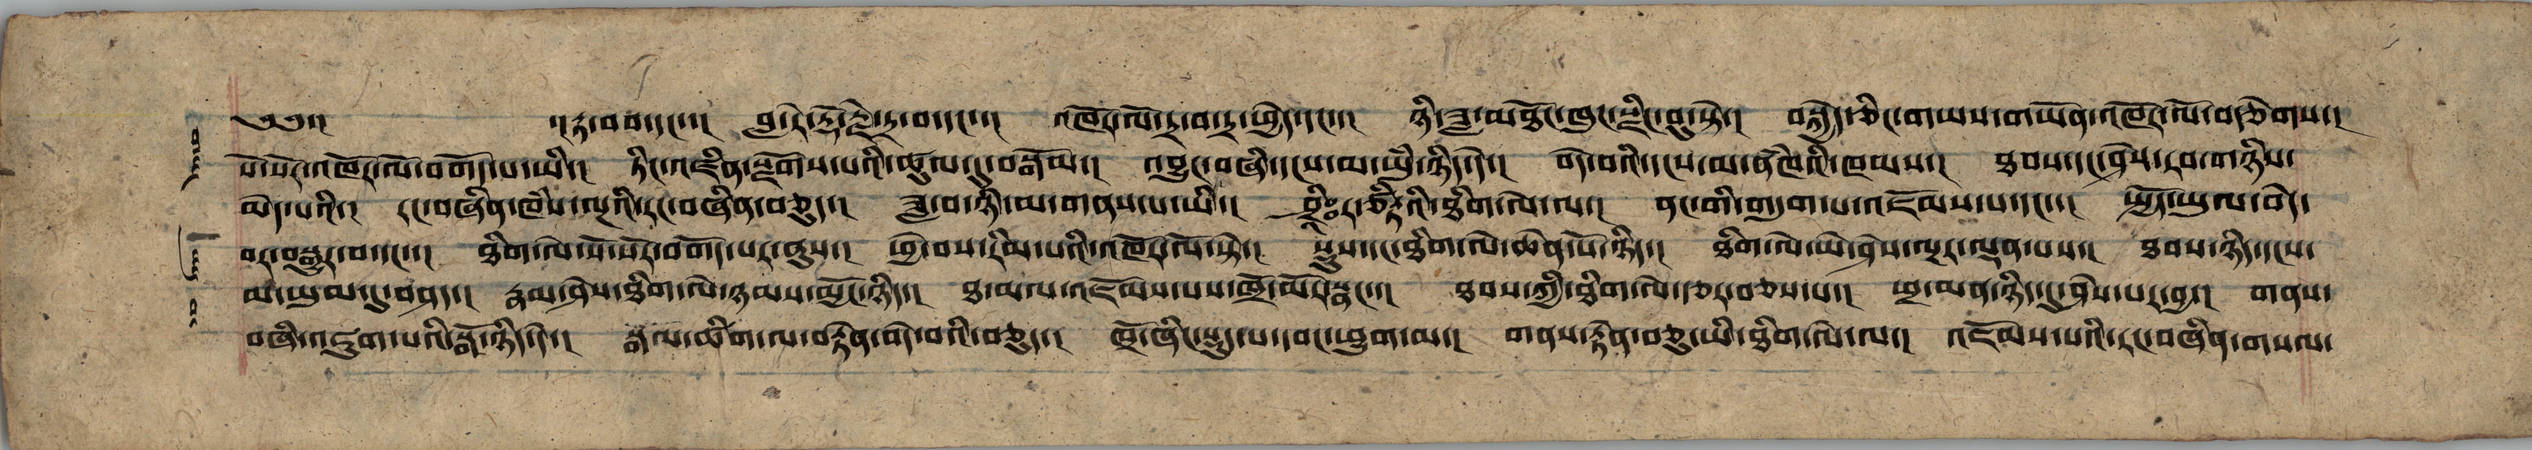༄༅་། ་།རྟ་བབ་དང་་། བླ་རེ་རྡོ་རྗེ་དྲ་བ་དང་་། འཁོར་ལོ་དྲ་བ་དྲ་ཕྱེད་དང་་། ཉི་ཟླ་མཐོང་ཁུང་སྫིང་བུ་སྟེ་། བསྐྱེད་ཅིང་གཡས་གཡོན་འཁོར་ལོ་བརྩེགས་།
སོ་སོར་འཁོར་ལོ་བགོད་པ་ཡི་། ཏིང་འཛིན་སྫོགས་པའི་ཚུལ་དུ་བསྒོམ་། འབྱུང་བཞི་དངས་མ་ཡུཾ་ཉིད་དེ་། བདེ་བའི་དངས་མ་ནཾཁའི་ཁམས་། ཐབས་དང་ཤེས་རབ་གཉིས་
མེད་པའི་། རང་བཞིན་ཁཾས་ལྔའི་རང་བཞིན་བཅུད་། ཟླ་བ་ཉི་མ་གནས་པ་ཡི་། ཤྲཱཱིཿར་ཙིཏྟའི་ཐིག་ལེ་ལ་། ནང་གི་གདུག་པ་འཇོམས་པ་དང་་། སྤྱོད་ཡུལ་བདེ་
བར་བསྒྱུར་བ་དང་་། ཐིག་ལེ་སོ་སོར་བགོད་པར་ནུས་། ཕྱེ་བས་རིམ་པའི་འཁོར་ལོ་སྟེ་། སྡུས་དང་ཐིག་ལེ་ཆེན་པོ་ཉིད་། ཐིག་ལེ་ཡེ་ཤེས་ལྔར་ལྡན་པས་། ཐབས་ཉིད་དངས་
མ་ཡུམ་དུ་བཤད་། རྣམ་ཤེས་ཐིག་ལེ་ཉམས་མྱོང་ཉིད་། ཐ་མལ་འཇོམས་པས་ཁྲོ་མོར་སྣང་་། ཐབས་ཀྱི་ཐིག་ལེ་རྩར་བཅས་པ་། ཕྲ་མན་ཉིད་དུ་ཤེས་པར་བྱ་། གནས་
བཞི་འཇུག་པའི་སྒོ་ཉིད་དེ་། སྒལ་ཚིག་ལ་བརྟེན་བདེ་བའི་བཅུད་། ཁྲོ་ཞིང་སྡུད་པ་དབང་ཕྱུག་མ་། གནས་རྟེན་བཅུ་ཡི་ཐིག་ལེ་ལ་། འཇོམས་པའི་རང་བཞིན་གསལ་